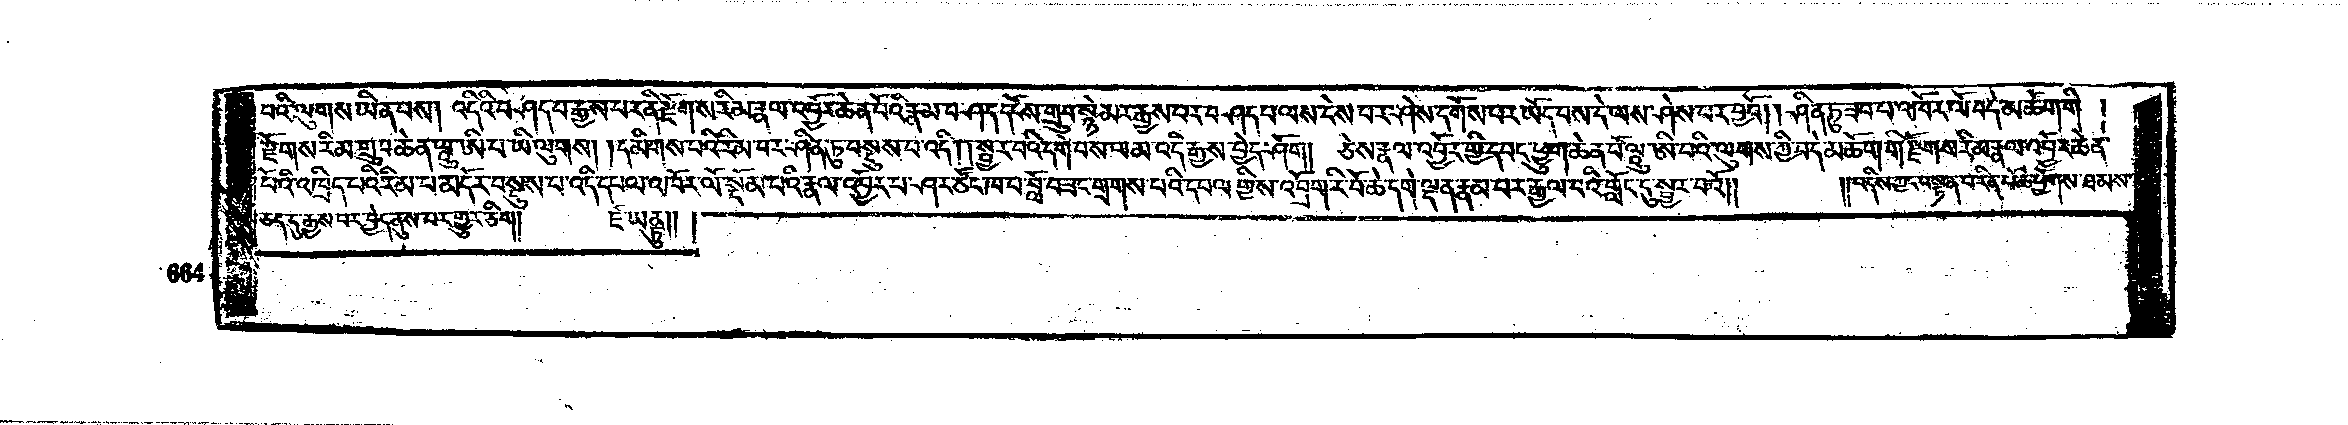པའི་ལུགས་ཡིན་པས། འདིའི་བཤད་བ་རྒྱས་པར་ནི་རྫོགས་རིམ་རྣལ་འབྱོར་ཆེན་པོའི་རྣམ་བཤད་དངོས་གྲུབ་སྙེ་མར་རྒྱས་པར་བཤད་པ་ལས་ངེས་པར་ཤེས་དགོས་པར་ཡོད་པས་དེ་ལས་ཤེས་པར་བྱའོ། །ཤིན་ཏུ་ཟབ་པ་འཁོར་ལོ་བདེ་མཆོག་གི །
རྫོགས་རིམ་གྲུབ་ཆེན་ལཱུ་ཨི་པ་ཡི་ལུགས། །དམིགས་པའི་རིམ་པར་ཤིན་ཏུ་བསྡུས་པ་འདི། །སྦྱར་བའི་དགེ་བས་ལམ་འདི་རྒྱས་བྱེད་ཤོག། ཅེས་རྣལ་འབྱོར་གྱི་དབང་ཕྱུག་ཆེན་པོ་ལཱུ་ཨི་པའི་ལུགས་ཀྱི་བདེ་མཆོག་གི་རྫོགས་རིམ་རྣལ་འབྱོར་ཆེན་
པོའི་འཁྲིད་པའི་རིམ་པ་མདོར་བསྡུས་པ་འདི་དཔལ་འཁོར་ལོ་སྡོམ་པའི་རྣལ་འབྱོར་པ་ཤར་ཙོང་ཁ་པ་བློ་བཟང་གྲགས་པའི་དཔལ་གྱིས་འབྲོག་རི་བོ་ཆེ་དགེ་ལྡན་རྣམ་པར་རྒྱལ་བའི་གླེང་དུ་སྦྱར་བའོ།། །།འདིས་ཀྱང་བསྟན་པ་རིན་པོ་ཆེ་ཕྱོགས་ཐམས་
ཅད་དུ་རྒྱས་པར་བྱེད་ནུས་པར་གྱུར་ཅིག། ཛ་ཡནྟུ།། །